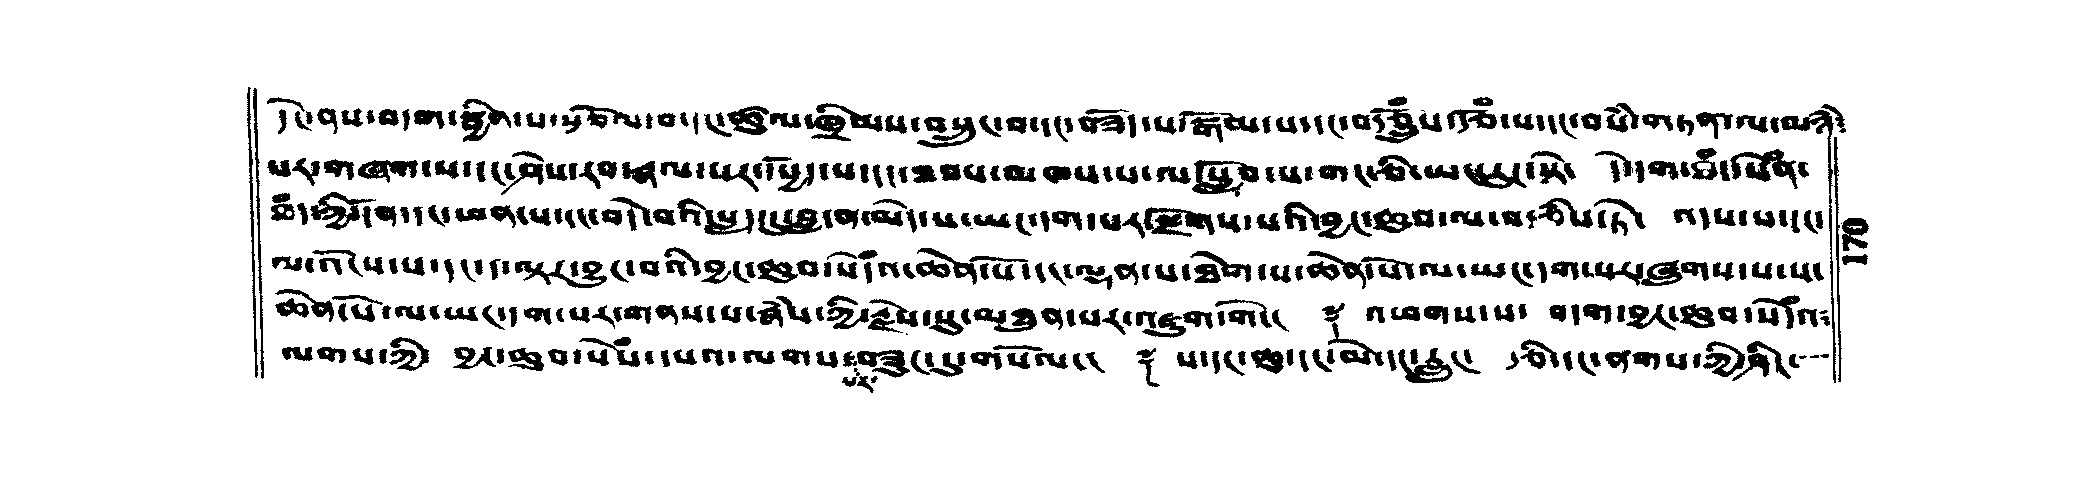དེང་ནས་བདག་སྦྱིན་པ་སྩོལ་བ་དང་ཚུལ་ཁྲིམས་བསྲུང་བ་དང་བཟོད་པ་སྒོམ་པ་དང་བརྩོན་གྲུས་རྩོམ་པ་དང་བསམ་གཏན་ལ་མཉམ་
པར་གཞག་པ་དག་ཤེས་རབ་རྣམ་པར་དཔྱོད་པ་དང་ཐབས་མཁས་པ་ལ་སློབ་པ་གང་ཅི་ཡང་རུང་སྟེ། དེ་དག་ཐམས་ཅད་སེམས་ཅན་
ཐམས་ཅད་ཀྱི་དོན་དང་ཕན་པ་དག་བདེ་བའི་སླད་དུ་བླ་ན་མེད་པ་ཡང་དག་པར་རྫོགས་པའི་བྱང་ཆུབ་ལ་བརྩམས་ཏེ། འདས་པ་དང་
མ་འོངས་པ་དང་ད་ལྟར་བྱུང་བའི་བྱང་ཆུབ་སེམས་དཔའ་ཆེན་པོ་དང་ལྡན་པ་ཐེག་པ་ཆེན་པོ་ལ་ཡང་དག་པར་ཞུགས་པ་ས་
ཆེན་པོ་ལ་ཡང་དག་པར་གནས་པ་རྣམས་ཀྱི་རྗེས་སུ་མཐུན་པར་འཇུག་གོ། ༈ འཕགས་པ། བདག་བྱང་ཆུབ་སེམས་དཔའ་
ལགས་ཀྱི། བྱང་ཆུབ་སེམས་དཔའ་ལགས་པར་བཟུང་དུ་གསོལ། ༈ ས་དང་ཆུ་དང་མེ་དང་རླུང་། རྩི་དང་ནགས་ཀྱི་ཤིང་